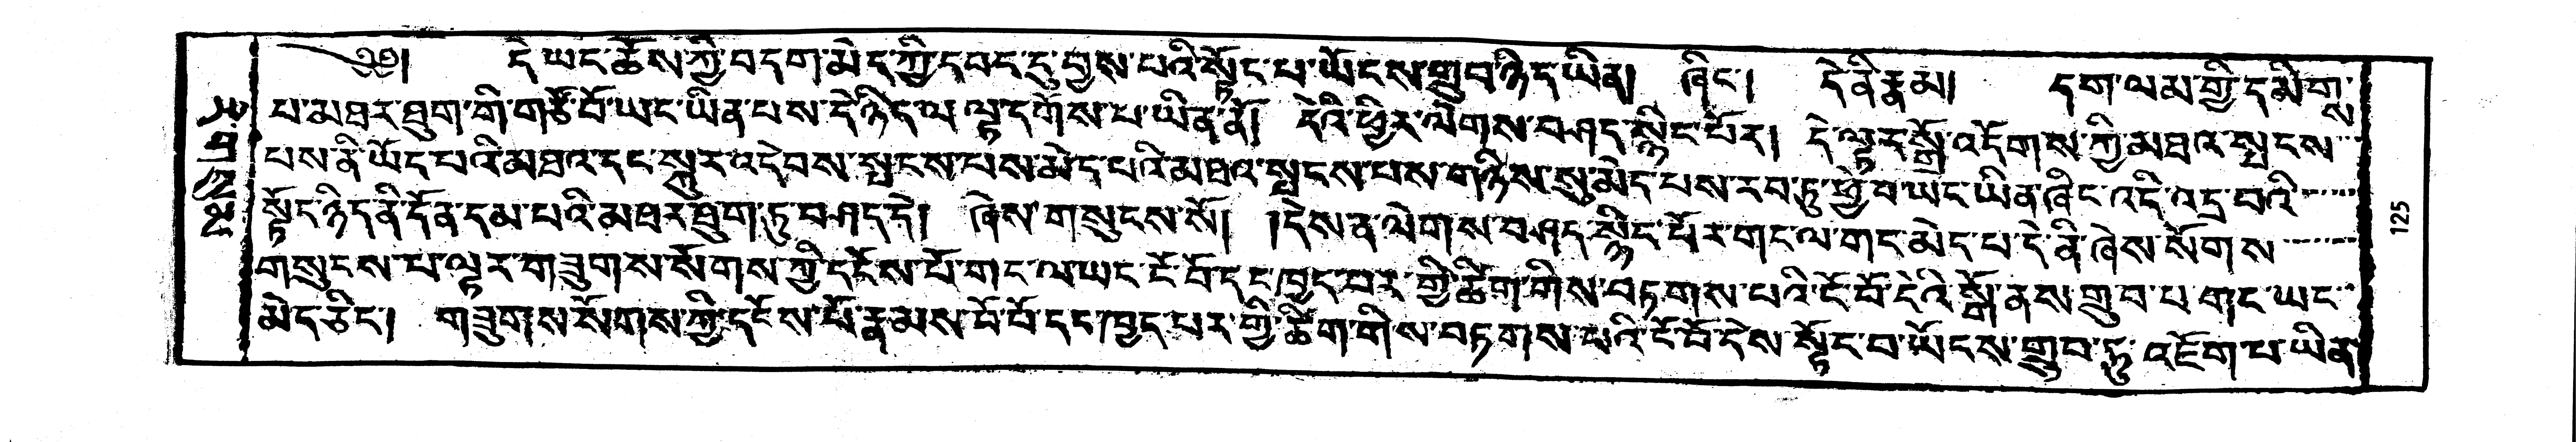༄༅། །དེ་ཡང་ཆོས་ཀྱི་བདག་མེད་ཀྱི་དབང་དུ་བྱས་པའི་སྟོང་པ་ཡོངས་གྲུབ་ཉིད་ཡིན། ཞིང་། དེ་ནི་རྣམ། དམ་ལམ་གྱི་དམིགས་
པ་མཐར་ཐུག་གི་གཙོ་བོ་ཡང་ཡིན་པས་དེ་ཉིད་ལ་ལྟ་དགོས་པ་ཡིན་ནོ། དེའི་ཕྱིར་ལེགས་བཤད་སྙིང་པོར། དེ་ལྟར་སྒྲོ་འདོགས་ཀྱི་མཐའ་སྤངས་
པས་ནི་ཡོད་པའི་མཐའ་དང་སྐུར་འདེབས་སྤངས་པས་མེད་པའི་མཐའ་སྤངས་པས་གཉིས་སུ་མེད་པས་རབ་ཏུ་ཕྱེ་བ་ཡང་ཡིན་ཞིང་འདི་འདྲ་བའི་
སྟོང་ཉིད་ནི་དོན་དམ་པའི་མཐར་ཐུག་ཏུ་བཤད་དེ། ཞེས་གསུངས་སོ། །དེས་ན་ལེགས་བཤད་སྙིང་པོར་གང་ལ་གང་མེད་པ་དེ་ནི་ཞེས་སོགས་
གསུངས་པ་ལྟར་གཟུགས་སོགས་ཀྱི་དངོས་པོ་གང་ལ་ཡང་ངོ་བོ་དང་ཁྱད་པར་གྱི་ཚིག་གིས་བཏགས་པའི་ངོ་བོ་དེའི་སྒོ་ནས་གྲུབ་པ་གང་ཡང་
མེད་ཅིང་། གཟུགས་སོགས་ཀྱི་དངོས་པོ་རྣམས་ངོ་བོ་དང་ཁྱད་པར་གྱི་ཚིག་གིས་བཏགས་པའི་ངོ་བོ་དེས་སྟོང་པ་ཡོངས་གྲུབ་ཏུ་འཇོག་པ་ཡིན་